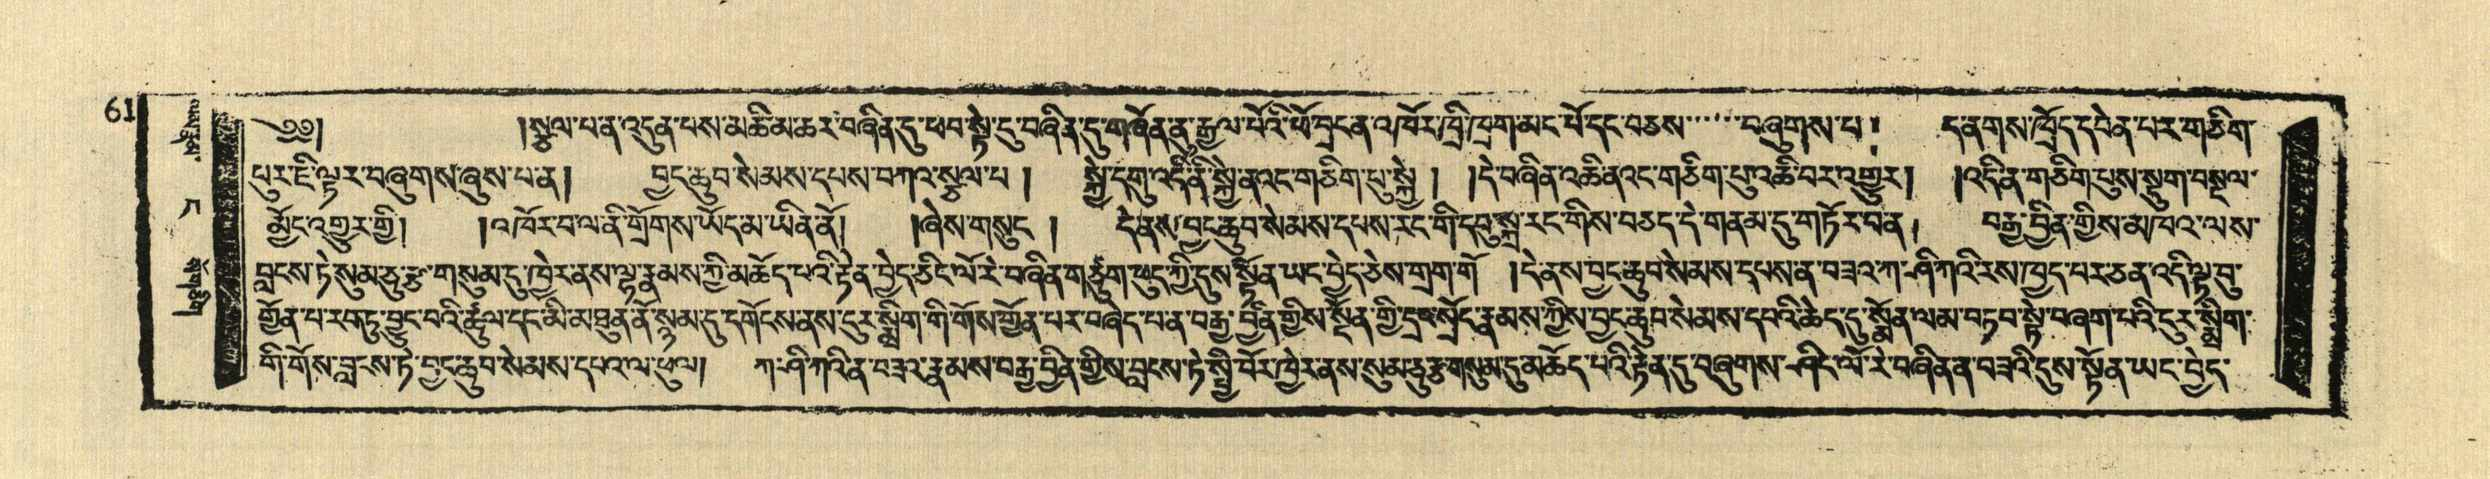༄༅། །སྩལ་པ་ན་འདུན་པས་མཆི་མཆར་བཞིན་དུ་ཕབ་སྟེ་དུ་བཞིན་དུ་གཞོན་ནུ་རྒྱལ་པོའི་ཕོ་བྲང་ན་འཁོར་ཁྲི་ཁྲག་མང་པོ་དང་བཅས་བཞུགས་པ། ད་ནགས་ཁྲོད་དབེན་པར་གཅིག་
ཕུར་ཇི་ལྟར་བཞུགས་ཞུས་པ་ན། བྱང་ཆུབ་སེམས་དཔས་བཀའ་སྩལ་པ། སྐྱེ་དགུ་འདི་ནི་སྐྱེ་ནའང་གཅིག་པུ་སྐྱེ། །དེ་བཞིན་འཆི་ནའང་གཅིག་པུ་འཆི་བར་འགྱུར། །འདི་ན་གཅིག་པུས་སྡུག་བསྔལ་
མྱོང་འགྱུར་གྱི། །འཁོར་བ་ལ་ནི་གྲོགས་ཡོད་མ་ཡིན་ནོ། །ཞེས་གསུང་། དེ་ནས་བྱང་ཆུབ་སེམས་དཔས་རང་གི་དབུ་སྐྲ་རང་གིས་བཅད་དེ་གནམ་དུ་གཏོར་བ་ན། བརྒྱ་བྱིན་གྱིས་མཁའ་ལས་
བླངས་ཏེ་སུམ་ཅུ་རྩ་གསུམ་དུ་ཁྱེར་ནས་ལྷ་རྣམས་ཀྱི་མཆོད་པའི་རྟེན་བྱེད་ཅིང་ལོ་རེ་བཞིན་གཙུག་ཕུང་ཀྱི་དུས་སྟོན་ཡང་བྱེད་ཅེས་གྲག་གོ །དེ་ནས་བྱང་ཆུབ་སེམས་དཔས་ན་བཟའ་ཀ་ཤི་ཀའི་རས་ཁྱད་པར་ཅན་འདི་ལྟ་བུ་
གྱོན་པ་རབ་ཏུ་བྱུང་བའི་ཚུལ་དང་མི་མཐུན་ནོ་སྙམ་དུ་དགོངས་ནས་དུར་སྨྲིག་གི་གོས་གྱོན་པར་བཞེད་པ་ན་བརྒྱ་བྱིན་གྱིས་སྔོན་གྱི་དྲང་སྲོང་རྣམས་ཀྱིས་བྱང་ཆུབ་སེམས་དཔའི་ཆེད་དུ་སྨོན་ལམ་བཏབ་སྟེ་བཞག་པའི་དུར་སྨྲིག་
གི་གོས་བླངས་ཏེ་བྱང་ཆུབ་སེམས་དཔའ་ལ་ཕུལ། ཀ་ཤི་ཀའི་ན་བཟའ་རྣམས་བརྒྱ་བྱིན་གྱིས་བླངས་ཏེ་སྤྱི་བོར་ཁྱེར་ནས་སུམ་ཅུ་རྩ་གསུམ་དུ་མཆོད་པའི་རྟེན་དུ་བཞུགས་ཤིང་ལོ་རེ་བཞིན་ན་བཟའི་དུས་སྟོན་ཡང་བྱེད་